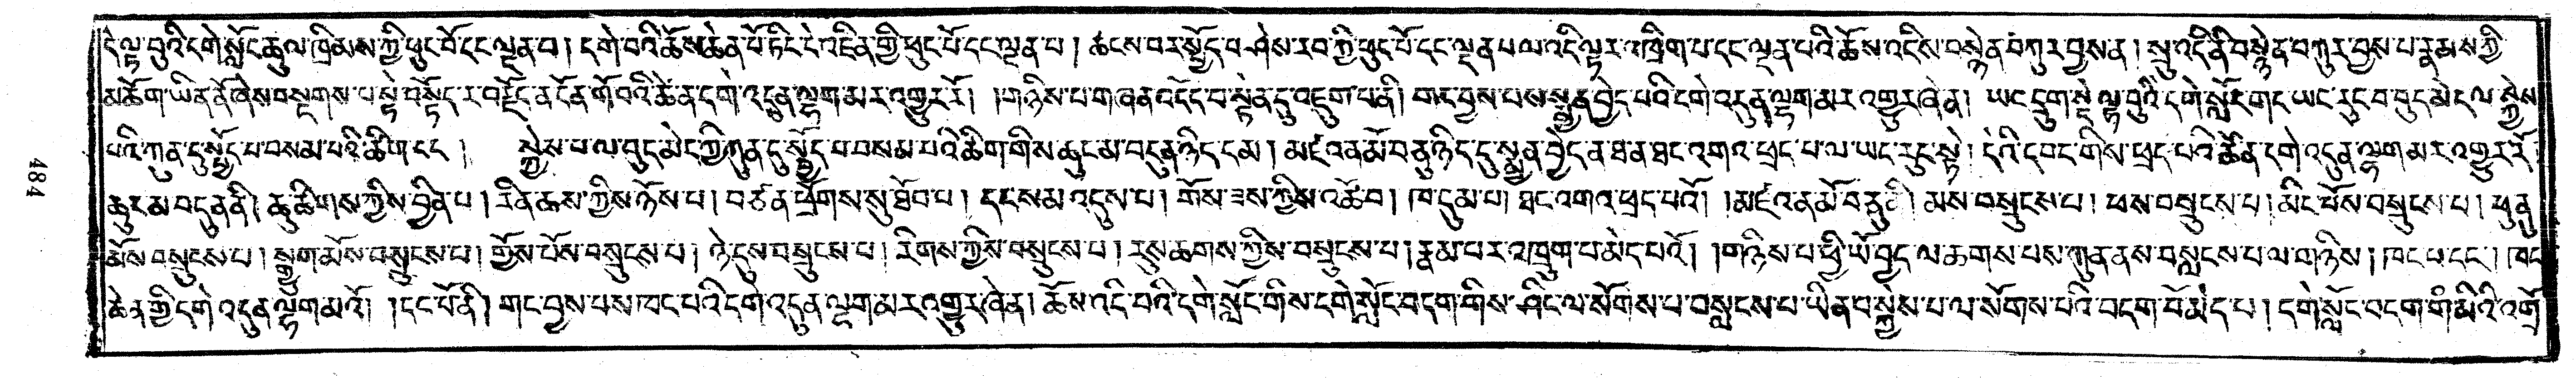དེ་ལྟ་བུའི་དགེ་སློང་ཆུལ་ཁྲིམས་ཀྱི་ཕུང་བོ་དང་ལྡན་པ། དགེ་བའི་ཆོས་ཆེན་པོ་ཏིང་ངེ་འཛིན་གྱི་ཕུང་བོ་དང་ལྡན་པ། ཚངས་པར་སྤྱོད་བཤེས་རབ་ཀྱི་ཕུང་པོ་དང་ལྡན་པ་ལ་འདི་འཁྲིག་པ་དང་ལྡན་པའི་ཆོས་འདིས་བསྙེན་བཀུར་བྱས་ན། སྲུ་འདི་ནི་བསྙེན་བཀུར་བྱས་པ་རྣམས་ཀྱི་
མཆོག་ཡིན་ནོ་ཞེས་བསྔགས་པ་སྟེ་བསྟོད་ར་བརྗོད་ན་དོན་གོ་བའི་ཚེ་ན་དགེ་འདུན་ལྷག་མར་འགྱུར་རོ། །གཉིས་པ་གཞན་འདོད་པ་སྟེན་དུ་འཇུག་པ་ནི། གང་བྱས་པས་སྨྱན་བྱེད་པའི་དགེ་འདུན་ལྷག་མར་འགྱུར་ཞེ་ན། ཡང་དྲུག་སྡེ་ལྟ་བུའི་དགེ་སློང་གང་ཡང་རུང་བ་བུད་མེད་ལ་སྐྱེས་
པའི་ཀུན་དུ་སྤྱོད་པ་བསམ་པའི་ཚིག་དང་། སྐྱེས་པ་ལ་བུད་མེད་ཀྱི་ཀུན་དུ་སྤྱོད་པ་བསམ་པའི་ཚིག་གིས་ཆུང་མ་བདུན་ཉིད་དམ། མཛའ་ན་མོ་བཅུ་ཉིད་དུ་སྨྱན་བྱེད་ན་ཐ་ན་ཐང་འགའ་ཕྲད་པ་ལ་ཡང་རུང་སྟེ། དེའི་དབང་གིས་ཕྲད་པའི་ཚེན་དགེ་འདུན་ལྷག་མར་འགྱུར་རོ་
ཆུར་མ་བདུན་ནི། ཆུ་ཚིགས་ཀྱིས་བྱིན་པ། རིན་ཆས་ཀྱིས་ཉོས་པ། བཙན་ཕྲོགས་སུ་ཐོབ་པ། དང་སམ་འདུས་པ། གོས་ཟས་ཀྱིས་འཚོ་བ། ཁ་དུམ་པ། ཐང་འགའ་ཕྲད་པའོ། །མཛའ་ན་མོ་བཅུ་ནི། མས་བསྲུངས་པ། ཕས་བསྲུངས་པ། མིང་པོས་བསྲུངས་པ། ཕུ་ནུ་
མོས་བསྲུངས་པ། སྒྱུག་མོས་བསྲུངས་པ། གཡོས་པོས་བསྲུངས་པ། ཉེ་དུས་བསྲུངས་པ། རིགས་ཀྱིས་བསྲུངས་པ། རུས་ཆགས་ཀྱིས་བསྲུངས་པ། རྣམ་པར་འཁྲུག་པ་མེད་པའོ། །གཉིས་པ་ཕྱི་ཡོ་བྱད་ལ་ཆགས་པས་ཀུན་ནས་བསླངས་པ་ལ་གཉིས་།ཁང་པ་དང་། ཁང་
ཆེན་གྱི་དགེ་འདུན་ལྷག་མའོ། །དང་པོ་ནི། གང་བྱས་པས་ཁང་པའི་དགེ་འདུན་ལྷག་མར་འགྱུར་ཞེ་ན། ཆོས་འདི་བའི་དགེ་སློང་གིས་དགེ་སློང་བདག་གིས་ཤིང་ལ་སོགས་པ་བསླངས་པ་ཡིན་བ་སྐྱེས་པ་ལ་སོགས་པའི་བདག་བོ་མེད་པ། དགེ་སློང་བདག་གཾ་མིའི་འགྲོ་